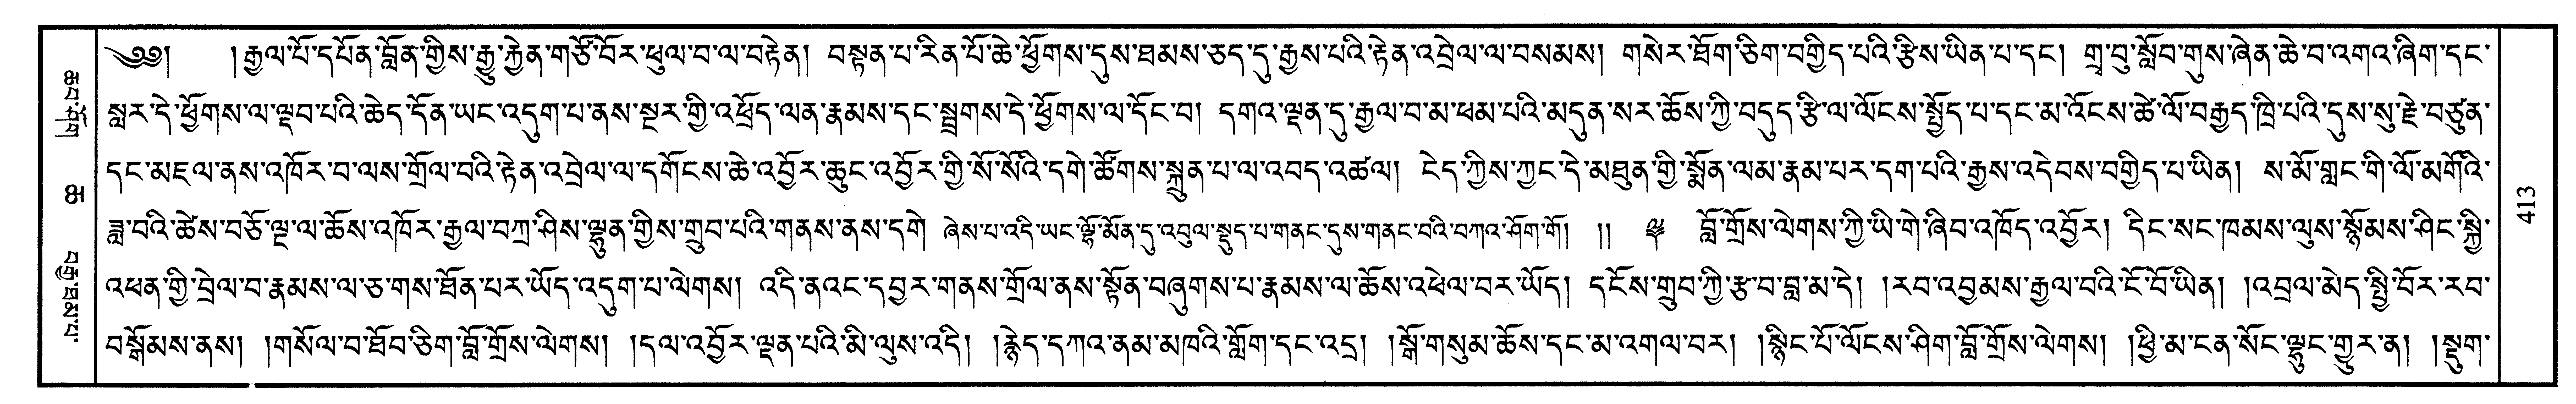༄༅། །རྒྱལ་པོ་དཔོན་བློན་གྱིས་རྒྱུ་རྐྱེན་གཙོ་བོར་ཕུལ་བ་ལ་བརྟེན། བསྟན་པ་རིན་པོ་ཆེ་ཕྱོགས་དུས་ཐམས་ཅད་དུ་རྒྱས་པའི་རྟེན་འབྲེལ་ལ་བསམས། གསེར་ཐོག་ཅིག་བགྱིད་པའི་རྩིས་ཡིན་པ་དང་། གྲྭ་བུ་སློབ་གུས་ཞེན་ཆེ་བ་འགའ་ཞིག་དང་
སླར་དེ་ཕྱོགས་ལ་ལྡབ་པའི་ཆེད་དོན་ཡང་འདུག་པ་ནས་སྔར་གྱི་འཕྲོད་ལན་རྣམས་དང་སྦྲགས་དེ་ཕྱོགས་ལ་དོང་བ། དགའ་ལྡན་དུ་རྒྱལ་བ་མ་ཕམ་པའི་མདུན་སར་ཆོས་ཀྱི་བདུད་རྩི་ལ་ལོངས་སྤྱོད་པ་དང་མ་འོངས་ཚེ་ལོ་བརྒྱད་ཁྲི་པའི་དུས་སུ་རྗེ་བཙུན་
དང་མཇལ་ནས་འཁོར་བ་ལས་གྲོལ་བའི་རྟེན་འབྲེལ་ལ་དགོངས་ཆེ་འབྱོར་ཆུང་འབྱོར་གྱི་སོ་སོའི་དགེ་ཚོགས་སྐྲུན་པ་ལ་འབད་འཚལ། ངེད་ཀྱིས་ཀྱང་དེ་མཐུན་གྱི་སྨོན་ལམ་རྣམ་པར་དག་པའི་རྒྱས་འདེབས་བགྱིད་པ་ཡིན། ས་མོ་གླང་གི་ལོ་མགོའི་
ཟླ་བའི་ཚེས་བཅོ་ལྔ་ལ་ཆོས་འཁོར་རྒྱལ་བཀྲ་ཤིས་ལྷུན་གྱིས་གྲུབ་པའི་གནས་ནས་དགེ་ཞེས་པ་འདི་ཡང་ལྷོ་མོན་དུ་འབུལ་སྡུད་པ་གནང་དུས་གནང་བའི་བཀའ་ཤོག་གོ། །། ༈ བློ་གྲོས་ལེགས་ཀྱི་ཡི་གེ་ཞིབ་འཁོད་འབྱོར། དིང་སང་ཁམས་ལུས་སྙོམས་ཤིང་སྐྱི་
འཕན་གྱི་བྲེལ་བ་རྣམས་ལ་ཅ་གས་ཐོན་པར་ཡོད་འདུག་པ་ལེགས། འདི་ནའང་དབྱར་གནས་གྲོལ་ནས་སྟོན་བཞུགས་པ་རྣམས་ལ་ཆོས་འཕེལ་བར་ཡོད། དངོས་གྲུབ་ཀྱི་རྩ་བ་བླ་མ་དེ། །རབ་འབྱམས་རྒྱལ་བའི་ངོ་བོ་ཡིན། །འབྲལ་མེད་སྤྱི་བོར་རབ་
བསྒོམས་ནས། །གསོལ་བ་ཐོབ་ཅིག་བློ་གྲོས་ལེགས། །དལ་འབྱོར་ལྡན་པའི་མི་ལུས་འདི། །རྙེད་དཀའ་ནམ་མཁའི་གློག་དང་འདྲ། །སྒོ་གསུམ་ཆོས་དང་མ་འགལ་བར། །སྙིང་པོ་ལོངས་ཤིག་བློ་གྲོས་ལེགས། །ཕྱི་མ་ངན་སོང་ལྷུང་གྱུར་ན། །སྡུག་